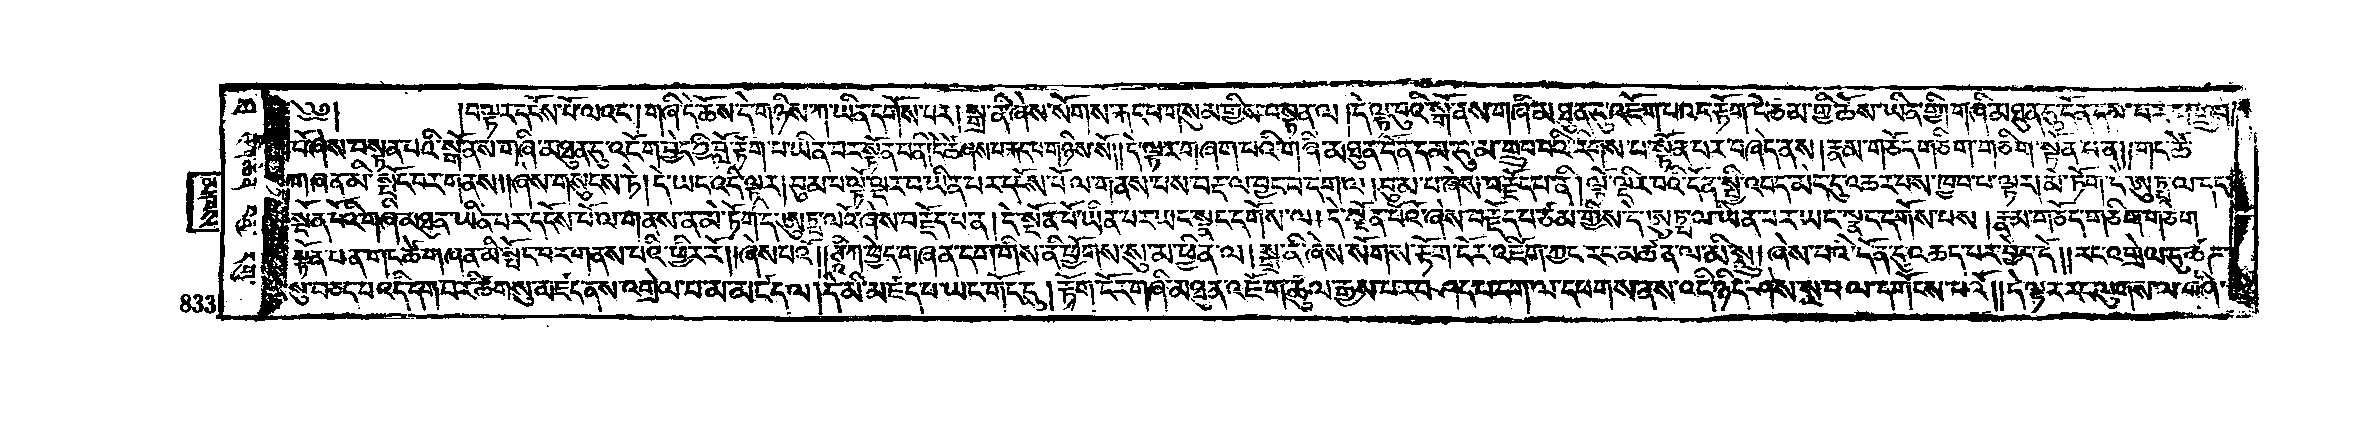༄༅། །བ་ལྟར་དངོས་པོ་ལའང་། གཞི་དེ་ཆོས་དེ་གཉིས་ཀ་ཡིན་དགོས་པར། སྒྲ་ནི་ཞེས་སོགས་རྐང་པ་གསུམ་གྱིས་བསྟན་ལ། དེ་ལྟ་བུའི་སྒོ་ནས་གཞི་མཐུན་དུ་འཇོག་པའང་རྟོག་པ་ཙམ་གྱི་ཆོས་ཡིན་གྱི། གཞི་མཐུན་དུ་དོན་དམ་པར་མ་གྲུབ་
པོ་ཞེས་བསྟན་པའི་སྒོ་ནས་གཞི་མཐུན་དུ་འཇོག་བྱེད་ཀྱི་བློ་རྟོག་པ་ཡིན་པར་སྟོན་པ་ནི། དེ་ཚེ་ཞེས་པ་རྐང་པ་གཉིས་སོ། །དེ་ལྟར་གཞག་པའི་གཞི་མཐུན་དོན་དམ་དུ་མ་གྲུབ་པའི་རིགས་པ་སྟོན་པར་བཞེད་ནས། རྣམ་གཅོད་གཅིག་སྟོན་པ་ན། །གང་ཚེ་
གཞན་མི་སྤོང་བར་གནས། །ཞེས་གསུངས་ཏེ། དེ་ཡང་འདི་ལྟར། བུམ་པ་ལྟོ་ལྡིར་བ་ཡིན་པར་དངོས་པོ་ལ་གནས་པས་བརྡ་ལ་བྱང་བ་དག་ལ། བུམ་པ་ཞེས་བརྗོད་པ་ནི། ལྟོ་ལྡིར་བའི་དོན་སྤྱི་འབད་མེད་དུ་འཆར་བས་ཁྱབ་པ་ལྟར། མེ་ཏོག་དེ་ཨུཏྤ་ལ་དང་
སྔོན་པོའི་གཞི་མཐུན་ཡིན་པར་དངོས་པོ་ལ་གནས་ན་མེ་ཏོག་དེ་ཨུཏྤ་ལའོ་ཞེས་བརྗོད་པ་ན། དེ་སྔོན་པོ་ཡིན་པར་ཡང་སྣང་དགོས་ལ། དེ་སྔོན་པོའོ་ཞེས་བརྗོད་པ་ཙམ་གྱིས་དེ་ཨུཏྤ་ལ་ཡིན་པར་ཡང་སྣང་དགོས་པས། རྣམ་གཅོད་གཅིག་གཅིག་
སྟོན་པ་ན་གང་ཚེ་གཞན་མི་སྤོང་བར་གནས་པའི་ཕྱིར་རོ། །ཞེས་པའོ། །ཊཱིཀ་བྱེད་གཞན་དག་གིས་ནི་ཕྱོགས་སུ་མ་ཕྱིན་ལ། སྒྲ་ནི་ཞེས་སོགས་རྟོག་ངོར་འཇོག་ཀྱང་རང་མཚན་ལ་མི་སླུ། ཞེས་པའི་དོན་དུ་འཆད་པར་བྱེད་དོ། །རང་འགྲེལ་དུ་ཚིགས་
སུ་བཅད་པ་འདི་དག་པར་ཚིགས་སུ་མཛད་ནས་འགྲེལ་བ་མ་མཛད་ལ། དེ་མི་མཛད་པ་ཡང་གོང་དུ། རྟོག་ངོར་གཞི་མཐུན་འཇོག་ཚུལ་རྒྱས་པར་བཤད་པ་དག་ལ་དཔགས་ནས་འདི་ཉིད་ཤེས་སླ་བ་ལ་དགོངས་པའོ། །དེ་ལྟར་རང་ལུགས་ལ་གཞི་